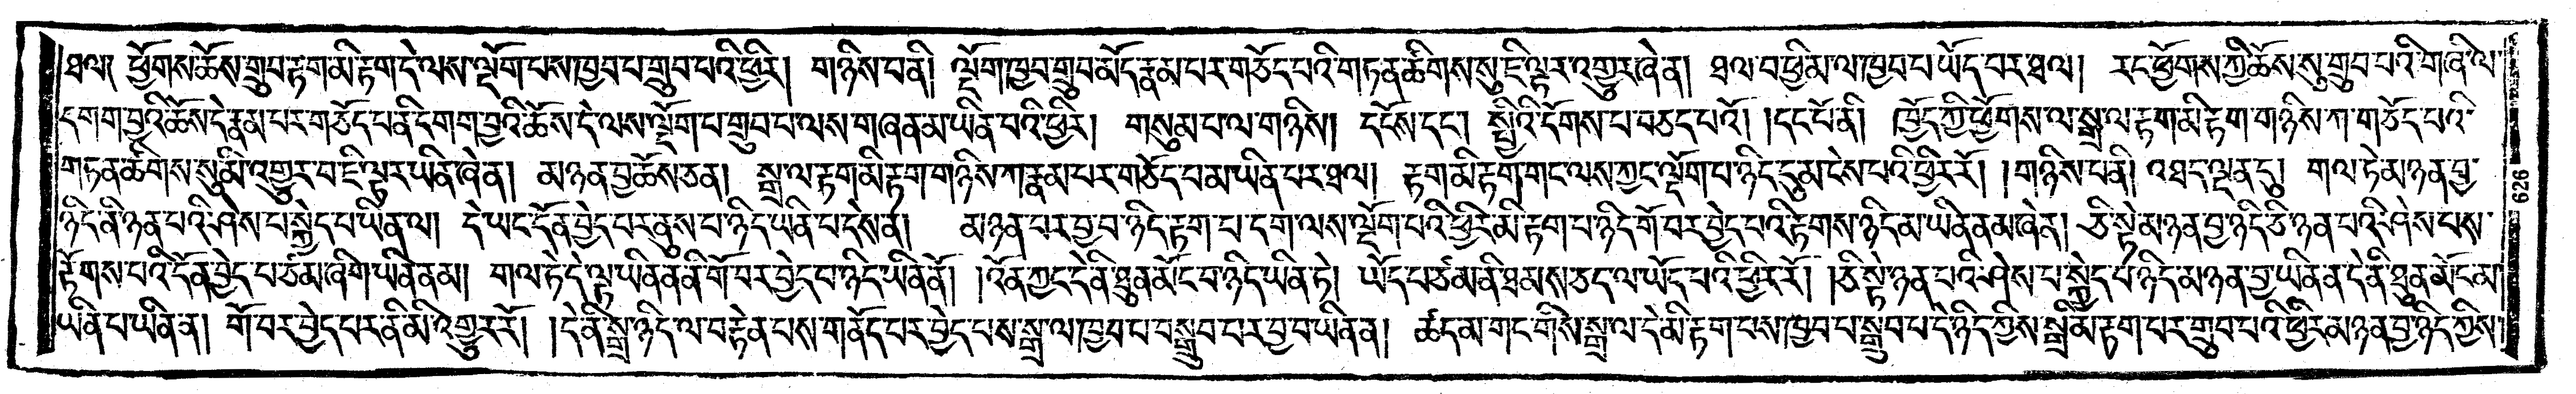ཐལ། ཕྱོགས་ཆོས་གྲུབ་རྟག་མི་རྟག་དེ་ལས་ལྡོག་པས་ཁྱབ་པ་གྲུབ་པའི་ཕྱིར། གཉིས་པ་ནི། ལྡོག་ཁྱབ་གྲུབ་མོད་རྣམ་པར་གཅོད་པའི་གཏན་ཚིགས་སུ་ཇི་ལྟར་འགྱུར་ཞེ་ན། ཐལ་བ་ཕྱི་མ་ལ་ཁྱབ་པ་ཡོད་པར་ཐལ། རང་ཕྱོགས་ཀྱི་ཆོས་སུ་གྲུབ་པའི་གཞི་ལ་
དགག་བྱའི་ཆོས་དེ་རྣམ་པར་གཅོད་པ་ནི་དགག་བྱའི་ཆོས་དེ་ལས་ལྡོག་པ་གྲུབ་པ་ལས་གཞན་མ་ཡིན་པའི་ཕྱིར། གསུམ་པ་ལ་གཉིས། དངོས་དང་། སྤྱིའི་དོགས་པ་བཅད་པའོ། །དང་པོ་ནི། ཁྱོད་ཀྱི་ཕྱོགས་ལ་སྒྲ་ལ་རྟག་མི་རྟག་གཉིས་ཀ་གཅོད་པའི་
གཏན་ཚིགས་སུ་མི་འགྱུར་བ་ཇི་ལྟར་ཡིན་ཞེ་ན། མཉན་བྱ་ཆོས་ཅན། སྒྲ་ལ་རྟག་མི་རྟག་གཉིས་ཀ་རྣམ་པར་གཅོད་པ་མ་ཡིན་པར་ཐལ། རྟག་མི་རྟག་གང་ལས་ཀྱང་ལྡོག་པ་ཉིད་དུ་མ་ངེས་པའི་ཕྱིར་རོ། །གཉིས་པ་ནི། འཐད་ལྡན་དུ། གལ་ཏེ་མཉན་བྱ་
ཉིད་ནི་ཉན་པའི་ཤེས་པ་སྐྱེད་པ་ཡིན་ལ། དེ་ཡང་དོན་བྱེད་པར་ནུས་པ་ཉིད་ཡིན་པ་དེས་ན། མཉན་པར་བྱ་བ་ཉིད་རྟག་པ་དག་ལས་ལྡོག་པའི་ཕྱིར་མི་རྟག་པ་ཉིད་གོ་བར་བྱེད་པའི་རྟགས་ཉིད་མ་ཡིན་ནམ་ཞེ་ན། ཅི་སྟེ་མཉན་བྱ་ཉིད་ཅི་ཉན་པའི་ཤེས་པས་
རྟོགས་པའི་དོན་བྱེད་པ་ཙམ་ཞིག་ཡིན་ནམ། གལ་ཏེ་དེ་ལྟ་ཡིན་ན་ནི་གོ་བར་བྱེད་པ་ཉིད་ཡིན་ནོ། །འོན་ཀྱང་དེ་ནི་ཐུན་མོང་བ་ཉིད་ཡིན་ཏེ། ཡོད་པ་ཙམ་ནི་ཐམས་ཅད་ལ་ཡོད་པའི་ཕྱིར་རོ། །ཅི་སྟེ་ཉན་པའི་ཤེས་པ་སྐྱེད་པ་ཉིད་མཉན་བྱ་ཡིན་ན་དེ་ནི་ཐུན་མོང་མ་
ཡིན་པ་ཡིན་ན། གོ་བར་བྱེད་པར་ནི་མི་འགྱུར་རོ། །དེ་ནི་སྒྲ་ཉིད་ལ་བརྟེན་པས་གནོད་པར་བྱེད་པས་སྒྲ་ལ་ཁྱབ་པ་བསྒྲུབ་པར་བྱ་བ་ཡིན་ན། ཚད་མ་གང་གིས་སྒྲ་ལ་དེ་མི་རྟག་པས་ཁྱབ་པ་སྒྲུབ་པ་དེ་ཉིད་ཀྱིས་སྒྲ་མི་རྟག་པར་གྲུབ་པའི་ཕྱིར་མཉན་བྱ་ཉིད་ཀྱིས་